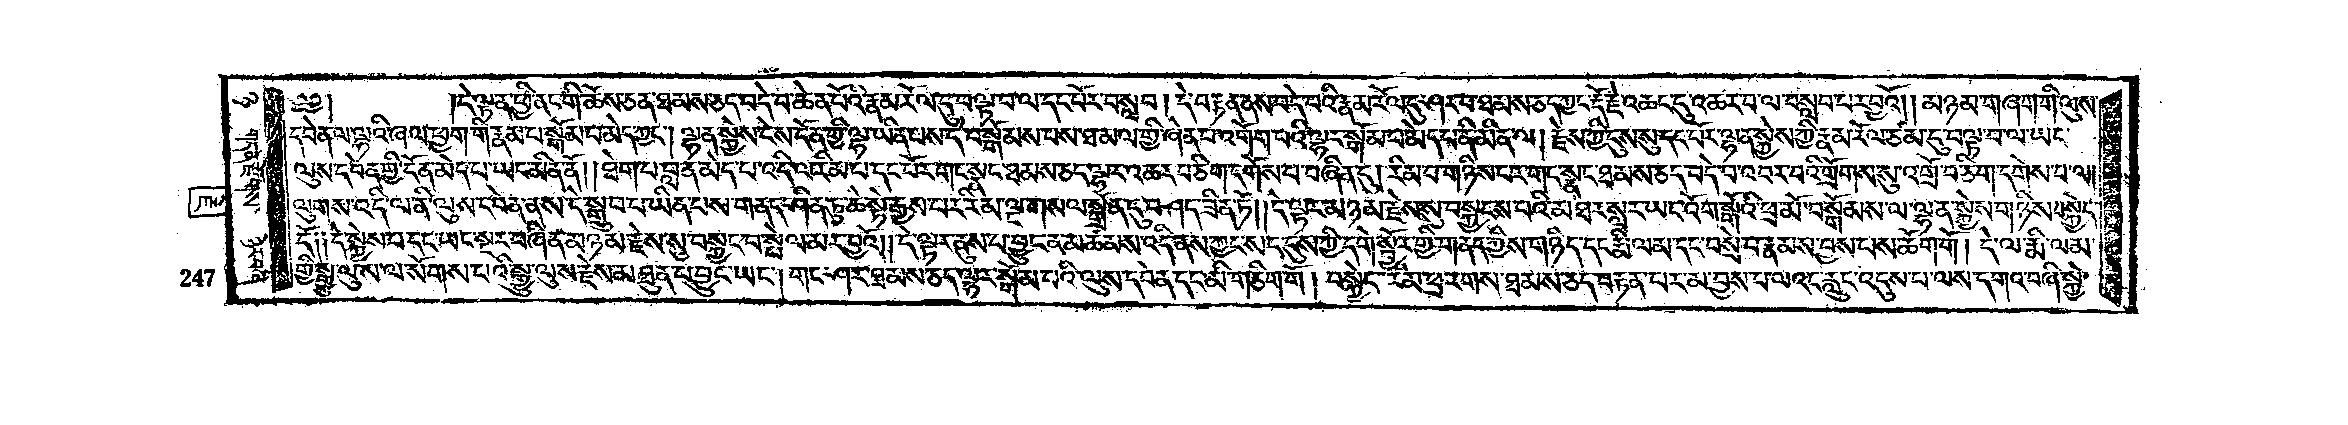༄༅། །དེ་ལྟ་ན་ཕྱི་ནང་གི་ཆོས་ཅན་ཐམས་ཅད་བདེ་བ་ཆེན་པོའི་རྣམ་རོལ་དུ་བལྟ་བ་ལ་དང་པོར་བསླབ། དེ་བརྟན་ནས་བདེ་བའི་རྣམ་རོལ་དུ་ཤར་བ་ཐམས་ཅད་ཀྱང་རྡོ་རྗེ་འཆང་དུ་འཆར་བ་ལ་བསླབ་པར་བྱའོ། །མཉམ་གཞག་གི་ལུས་
དབེན་ལ་ལྷའི་ཞལ་ཕྱག་གི་རྣམ་པ་སྒོམ་པ་མེད་ཀྱང་། ལྷན་སྐྱེས་ངེས་དོན་གྱི་ལྷ་ཡིན་པས་དེ་བསྒོམས་པས་ཐ་མལ་གྱི་ཞེན་པ་འགོག་པའི་ལྷར་སྒོམ་པ་མེད་པ་ནི་མིན་ལ། རྗེས་ཀྱི་དུས་སུ་དང་པོར་ལྷན་སྐྱེས་ཀྱི་རྣམ་རོལ་ཙམ་དུ་བལྟ་བ་ལ་ཡང་ལུས་དབེན་གྱི་དོན་མེད་པ་ཡང་མིན་ནོ། །ཐེག་པ་བླ་ན་མེད་པ་འདི་ལ་རིམ་པ་དང་པོར་གང་སྣང་ཐམས་ཅད་ལྷར་འཆར་བ་ཅིག་དགོས་པ་བཞིན་དུ། རིམ་པ་གཉིས་པར་གང་སྣང་ཐམས་ཅད་བདེ་བ་འབར་བའི་གྲོགས་སུ་འགྲོ་བ་ཅིག་དགོས་པ་ལ།
ལུགས་འདི་ལ་ནི་ལུས་དབེན་ནས་དེ་སྒྲུབ་པ་ཡིན་པས་གནད་ཤིན་ཏུ་ཆེ་སྟེ་རྒྱས་པར་རིམ་ལྔ་གསལ་སྒྲོན་དུ་བཤད་ཟིན་ཏོ། །དེ་ལྟར་མཉམ་རྗེས་སུ་བསྐྱངས་པའི་མཐར་སླར་ཡང་འོག་སྒོའི་ཕྲ་མོ་བསྒོམས་ལ་ལྷན་སྐྱེས་གཉིས་བསྐྱེད་
དོ༑ ༑དེ་སྐྱེས་པ་དང་ཡང་སྔར་བཞིན་མཉམ་རྗེས་སུ་བསྐྱང་བ་སྤེལ་མར་བྱའོ། །དེ་ལྟར་ནུས་པ་བྱུང་ན་མཚམས་འདི་ནས་ཀྱང་སང་དུས་ཀྱི་དགེ་སྦྱོར་གྱི་གནད་ཀྱིས་གཉིད་དང་རྨི་ལམ་དང་བསྲེ་བ་རྣམས་བྱས་པས་ཆོག་གོ །དེ་ལ་རྨི་ལམ་
གྱི་སྒྱུ་ལུས་ལ་སོགས་པའི་སྒྱུ་ལུས་རྗེས་མཐུན་པ་བྱུང་ཡང་། གང་ཤར་ཐམས་ཅད་ལྟར་སྒོམ་པའི་ལུས་དབེན་དང་མི་གཅིག་གོ །བསྐྱེད་རིམ་ཕྲ་རགས་ཐམས་ཅད་བརྟན་པར་མ་བྱས་པ་ལའང་རླུང་འདུས་པ་ལས་དགའ་བཞི་སྐྱེ་